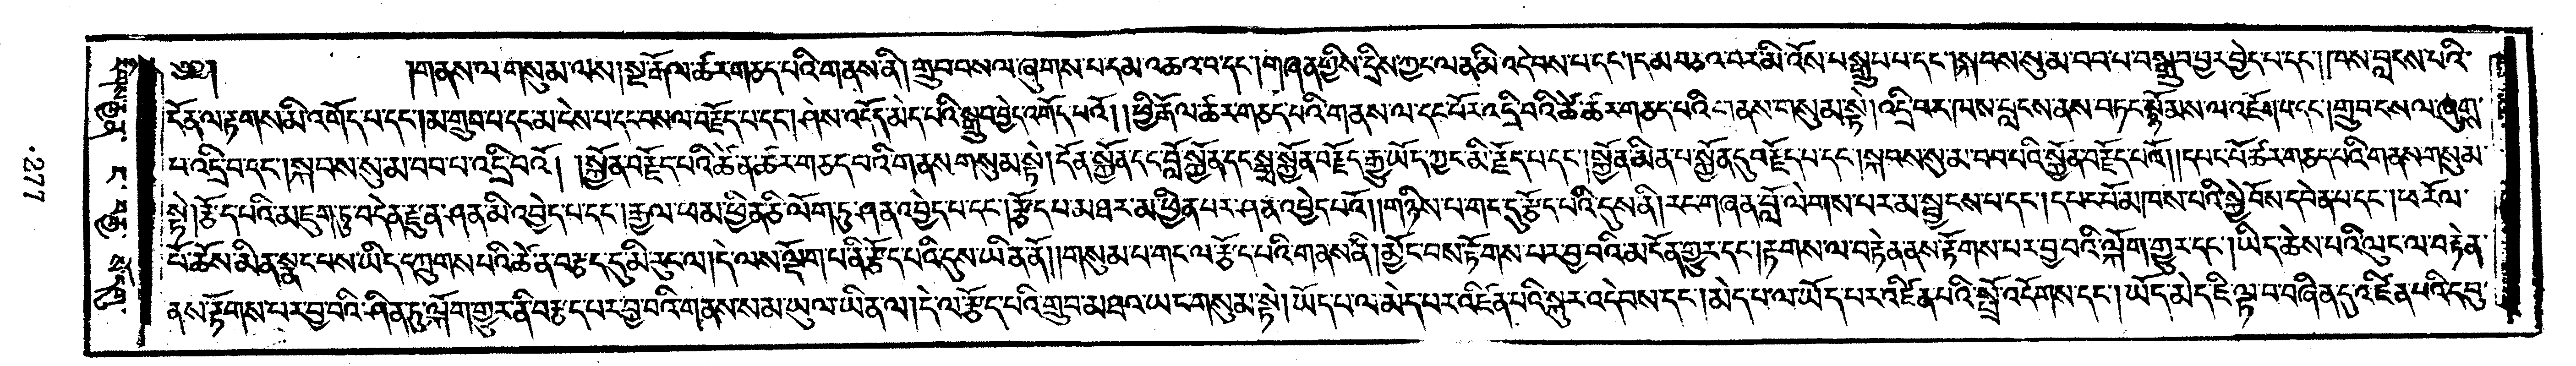༄༅། །གནས་ལ་གསུམ་ལས། སྔ་རྒོལ་ཚར་གཅད་པའི་གནས་ནི། གྲུབ་བསལ་ཞུགས་པ་དམ་འཆའ་བ་དང་། གཞན་གྱིས་དྲིས་ཀྱང་ལན་མི་འདེབས་པ་དང་། དམ་བཅའ་བར་མི་འོས་པ་སྒྲུབ་པ་དང་། སྐབས་སུ་མ་བབ་པ་བསྒྲུབ་བྱར་བྱེད་པ་དང་། ཁས་བླངས་པའི་
དོན་ལ་རྟགས་མི་འགོད་པ་དང་། མ་གྲུབ་པ་དང་མ་ངེས་པ་དང་བསལ་བརྗོད་པ་དང་། ཤེས་འདོད་མེད་པའི་སྒྲུབ་བྱེད་འགོད་པའོ། །ཕྱི་རྒོལ་ཚར་གཅད་པའི་གནས་ལ་དང་པོར་འདྲི་བའི་ཚེ་ཚར་གཅད་པའི་གནས་གསུམ་སྟེ། འདྲི་བར་ཁས་བླངས་ནས་བཏང་སྙོམས་ལ་འཇོག་པ་དང་། གྲུབ་བསལ་ཞུགས་
པ་འདྲི་བ་དང་། སྐབས་སུ་མ་བབ་པ་འདྲི་བའོ། །སྐྱོན་བརྗོད་པའི་ཚེ་ན་ཚར་གཅད་པའི་གནས་གསུམ་སྟེ། དོན་སྐྱོན་དང་བློ་སྐྱོན་དང་སྒྲ་སྐྱོན་བརྗོད་རྒྱུ་ཡོད་ཀྱང་མི་རྗོད་པ་དང་། སྐྱོན་མིན་པ་སྐྱོན་དུ་བརྗོད་པ་དང་། སྐབས་སུ་མ་བབ་པའི་སྐྱོན་བརྗོད་པའོ། །དབང་པོ་ཚར་གཅད་པའི་གནས་གསུམ་
སྟེ། རྩོད་པའི་མཇུག་ཏུ་བདེན་རྫུན་ཤན་མི་འབྱེད་པ་དང་། རྒྱལ་ཕམ་ཕྱིན་ཅི་ལོག་ཏུ་ཤན་འབྱེད་པ་དང་། རྩོད་པ་མཐར་མ་ཕྱིན་པར་ཤན་འབྱེད་པའོ། །གཉིས་པ་གང་དུ་རྩོད་པའི་དུས་ནི། རང་གཞན་བློ་ལེགས་པར་མ་སྦྱངས་པ་དང་། དབང་པོ་མཁས་པའི་སྐྱེ་བོས་དབེན་པ་དང་། ཕ་རོལ་
པོ་ཆོས་མིན་སྣང་བས་ཡིད་དཀྲུགས་པའི་ཚེ་ན་བརྩད་དུ་མི་རུང་ལ། དེ་ལས་ལྡོག་པ་ནི་རྩོད་པའི་དུས་ཡིན་ནོ། །གསུམ་པ་གང་ལ་རྩོད་པའི་གནས་ནི། མྱོང་བས་རྟོགས་པར་བྱ་བའི་མངོན་གྱུར་དང་། རྟགས་ལ་བརྟེན་ནས་རྟོགས་པར་བྱ་བའི་ལྐོག་གྱུར་དང་། ཡིད་ཆེས་པའི་ལུང་ལ་བརྟེན་
ནས་རྟོགས་པར་བྱ་བའི་ཤིན་ཏུ་ལྐོག་གྱུར་ནི་བརྩོད་པར་བྱ་བའི་གནས་སམ་ཡུལ་ཡིན་ལ། དེ་ལ་རྩོད་པའི་གྲུབ་མཐའ་ཡང་གསུམ་སྟེ། ཡོད་པ་ལ་མེད་པར་འཛིན་པའི་སྐུར་འདེབས་དང་། མེད་པ་ལ་ཡོད་པར་འཛིན་པའི་སྒྲོ་འདོགས་དང་། ཡོད་མེད་ཇི་ལྟ་བ་བཞིན་དུ་འཛིན་པའི་དབུ་